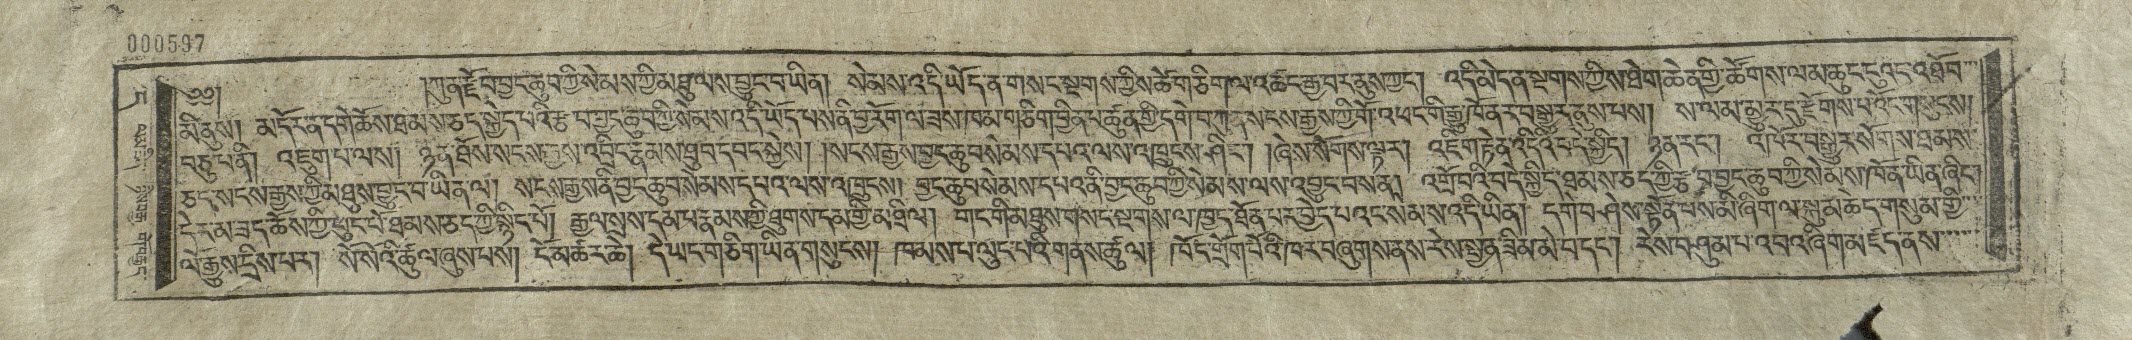༄༅། །ཀུན་རྫོབ་བྱང་ཆུབ་ཀྱི་སེམས་ཀྱི་མཐུ་ལས་བྱུང་བ་ཡིན། སེམས་འདི་ཡོད་ན་གསང་སྔགས་ཀྱིས་ཚེ་གཅིག་ལ་འཚང་རྒྱ་བར་ནུས་ཀྱང་། འདི་མེད་ན་སྔགས་ཀྱིས་ཐེག་ཆེན་གྱི་ཚོགས་ལམ་ཆུང་ངུའང་འཐོབ་
མི་ནུས། མདོར་ན་དགེ་ཆོས་ཐམས་ཅད་སྐྱེད་པའི་རྩ་བ་བྱང་ཆུབ་ཀྱི་སེམས་འདི་ཡོད་པས་ནི་བྱ་རོག་ལ་ཟས་ཁམ་གཅིག་བྱིན་པ་ཚུན་གྱི་དགེ་བ་ཀུན་སངས་རྒྱས་ཀྱི་གོ་འཕང་གི་རྒྱུ་ཁོ་ནར་བསྒྱུར་ནུས་པས། ས་ལམ་མྱུར་དུ་རྫོགས་པ་འོང་གསུངས།
བཅུ་པ་ནི། འཇུག་པ་ལས། ཉན་ཐོས་སངས་རྒྱས་འབྲིང་རྣམས་ཐུབ་དབང་སྐྱེས། །སངས་རྒྱས་བྱང་ཆུབ་སེམས་དཔའ་ལས་འཁྲུངས་ཤིང་། །ཞེས་སོགས་ལྟར། འཇིག་རྟེན་འདིའི་བདེ་སྐྱིད། ཉན་རང་། འཁོར་བསྒྱུར་སོགས་ཐམས་
ཅད་སངས་རྒྱས་ཀྱི་མཐུས་བྱུང་བ་ཡིན་ལ། སངས་རྒྱས་ནི་བྱང་ཆུབ་སེམས་དཔའ་ལས་འཁྲུངས། བྱང་ཆུབ་སེམས་དཔའ་ནི་བྱང་ཆུབ་ཀྱི་སེམས་ལས་འབྱུང་བས་ན། འགྲོ་བའི་བདེ་སྐྱིད་ཐམས་ཅད་ཀྱི་རྩ་བ་བྱང་ཆུབ་ཀྱི་སེམས་ཁོ་ན་ཡིན་ཞིང་།
དེར་མ་ཟད་ཆོས་ཀྱི་ཕུང་པོ་ཐམས་ཅད་ཀྱི་སྙིང་པོ། རྒྱལ་སྲས་དམ་པ་རྣམས་ཀྱི་ཐུགས་དམ་གྱི་མཐིལ། གང་གི་མཐུས་གསང་སྔགས་ལ་ཁྱད་ཐོན་པར་བྱེད་པའང་སེམས་འདི་ཡིན། དགེ་བཤེས་སྟོན་པས་མི་ཞིག་ལ་སྐུ་མཆེད་གསུམ་གྱི་
ལོ་རྒྱུས་དྲིས་པར། སོ་སོའི་ཚུལ་ཞུས་པས། ངོ་མཚར་ཆེ། དེ་ཡང་གཅིག་ཡིན་གསུངས། ཁམས་པ་ལུང་པའི་གནས་ཚུལ། ཁོང་གྲོག་པོའི་ཁར་བཞུགས་ནས་རེས་སྤྱན་ཟིམ་མེ་པ་དང་། རེས་བཤུམ་པ་འབའ་ཞིག་མཛད་ནས་